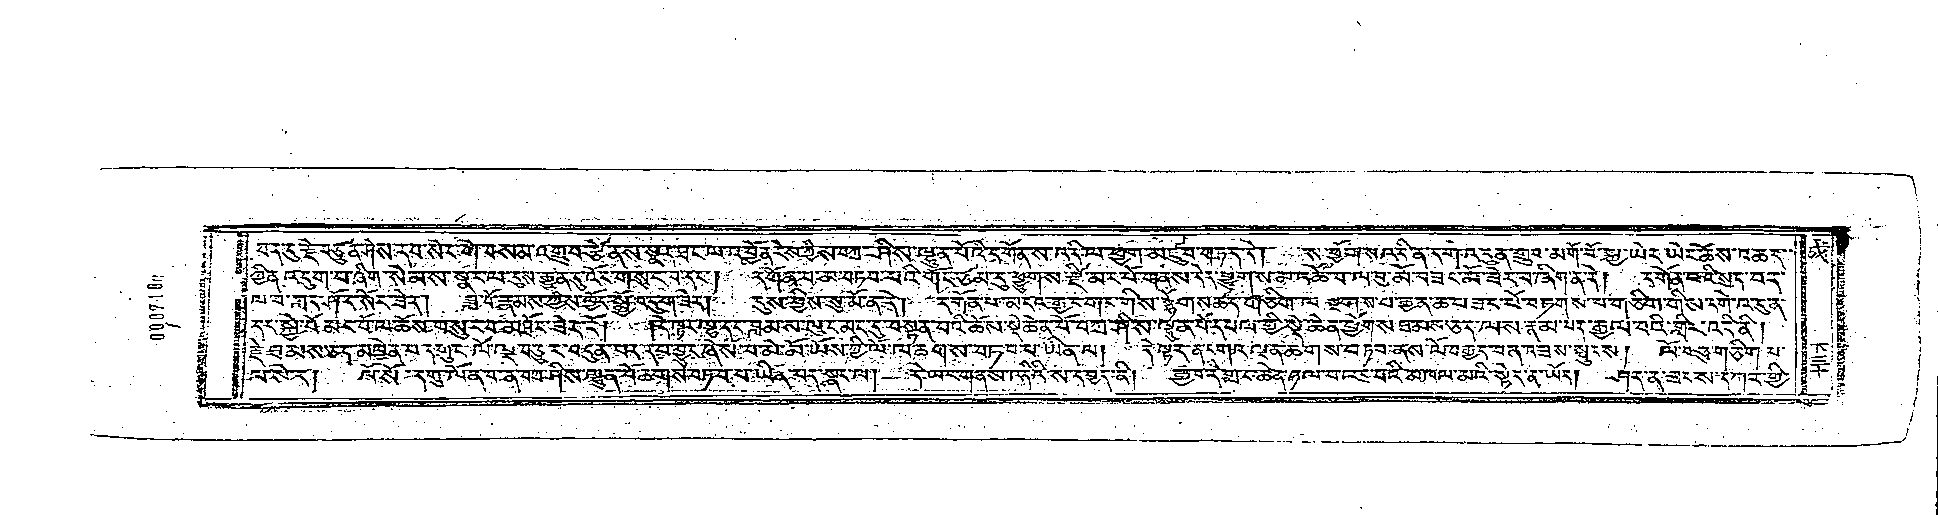པར་དུ་རྗེ་བཙུན་ཤེས་རབ་སེང་གེ་བསམ་འགྲུབ་རྩེ་ནས་སྣང་ཐང་ལ་འབྱོན་ངེས་ཀྱིས་བཀྲ་ཤིས་ལྷུན་པོའི་དགོན་ས་འདི་ལ་ཕྱག་མཛུབ་གཏད་དེ། ས་ཕྱོགས་འདི་ན་དགེ་འདུན་གྲུབ་མགོ་བོ་སྐྱ་ཡེར་ཡེར་ཆོས་འཆད་
ཀྱིན་འདུག་པ་ཞིག་སེམས་སྣང་ལ་དུས་རྒྱུན་དུ་འོང་གསུང་བ་དང་། དགོན་པ་མ་བཏབ་པའི་གོང་ཙམ་དུ་ཕྱུགས་རྫི་མང་པོ་གནས་དེར་ཕྱུགས་མ་འཚོ་བ་ལ་བུ་མོ་བཟང་མོ་ཟེར་བ་ཞིག་ན་རེ། དགོན་བའི་སྲད་བར་
ལ་བ་གླང་ཤོད་སོང་ཟེར། ཟླ་བོ་རྣམས་ཀྱིས་ཁྱོད་སྨྱོ་འདུག་ཟེར། དུས་ཕྱིས་སུ་མོ་ན་རེ། དགོན་པ་མདའ་རྒྱང་གང་གིས་སྙོགས་ཚད་གཅིག་ལ་སྔགས་པ་རྒྱན་ཆ་བཟང་པོ་བཏགས་པ་གཅིག་གིས་དགེ་འདུན་
དང་སྐྱེ་བོ་མང་པོ་ལ་ཆོས་གསུང་བ་མཐོང་ཟེར་རོ། །དེ་ལྟར་ལྷ་དང་བླ་མས་ལུང་མང་དུ་བསྟན་པའི་ཆོས་སྡེ་ཆེན་པོ་བཀྲ་ཤིས་ལྷུན་པོ་དཔལ་གྱི་སྡེ་ཆེན་ཕྱོགས་ཐམས་ཅད་ལས་རྣམ་པར་རྒྱལ་བའི་གླིང་འདི་ནི།
རྗེ་ཐམས་ཅད་མཁྱེན་པ་དགུང་ལོ་ལྔ་བཅུ་ད་བདུན་པར་རབ་བྱུང་ཞེས་པ་མེ་མོ་ཡོས་ཀྱི་ལོ་ལ་ཆགས་བཏབ་པ་ཡིན་ལ། དེ་ལྟར་ན་དགའ་ལྡན་ཆགས་བཏབ་ནས་ལོ་བརྒྱད་ཕན་འབྲས་སྤུངས། ལོ་བཅུ་གཅིག་པ་
ལ་སེ་ར། ལོ་སོ་དགུ་ལོན་པ་ན་བཀྲ་ཤིས་ལྷུན་པོ་ཆགས་བཏབ་པ་ཡིན་པར་སྣང་ལ། དེ་ཡང་གནས་འདིའི་ས་དབྱད་ནི། རྒྱབ་རེ་གླང་ཆེན་ཉལ་བ་འདྲ་བའི་མཁལ་མའི་སྟེང་ན་ཡོད། ཤར་ན་ཟངས་དཀར་གྱི་